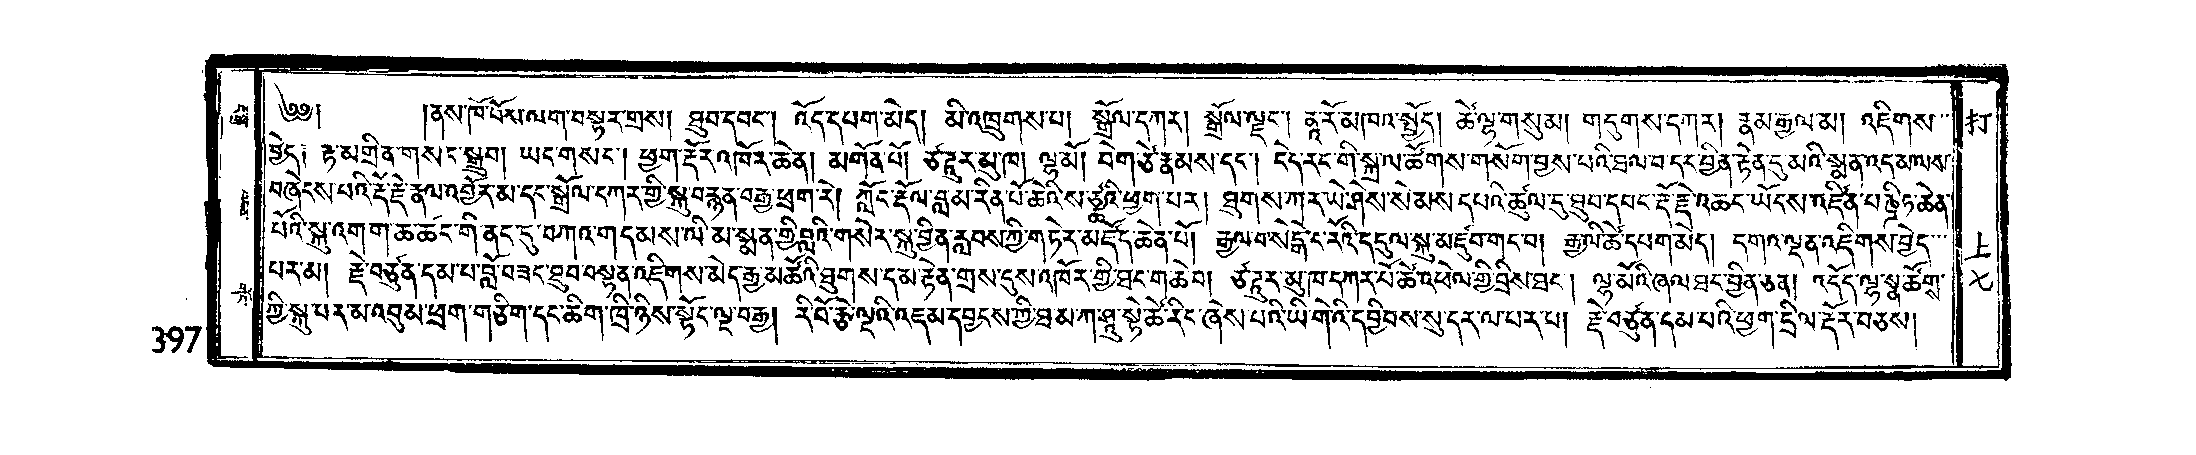༄༅། །ནས་ཁོ་བོས་ལག་བསྟར་གྲས། ཐུབ་དབང་། འོད་དཔག་མེད། མི་འཁྲུགས་པ། སྒྲོལ་དཀར། སྒྲོལ་ལྗང་། ནཱ་རོ་མཁའ་སྤྱོད། ཚེ་ལྷ་གསུམ། གདུགས་དཀར། རྣམ་རྒྱལ་མ། འཇིགས་
བྱེད། རྟ་མགྲིན་གསང་སྒྲུབ། ཡང་གསང་། ཕྱག་རྡོར་འཁོར་ཆེན། མགོན་པོ། ཙཌཱུར་མུ་ཁ། ལྷ་མོ། བེག་ཙེ་རྣམས་དང་། ངེད་རང་གི་སྐྲ་ལ་ཚོགས་གསོག་བྱས་པའི་ཐལ་བ་དང་བྱིན་རྟེན་དུ་མའི་སྨན་འདམ་ལས་
བཞེངས་པའི་རྡོ་རྗེ་རྣལ་འབྱོར་མ་དང་སྒྲོལ་དཀར་གྱི་སྐུ་བརྙན་བརྒྱ་ཕྲག་རེ། ཀློང་རྡོལ་བླ་མ་རིན་པོ་ཆེའི་ས་ཙྪའི་ཕྱག་པར། ཐུགས་ཀར་ཡེ་ཤེས་སེམས་དཔའི་ཚུལ་དུ་ཐུབ་དབང་རྡོ་རྗེ་འཆང་ཡོངས་འཛིན་པཎྜིཏ་ཆེན་
པོའི་སྐུ་འགག་ཆ་ཚང་གི་ནང་དུ་བཀའ་གདམས་ལི་མ་སྨན་གྱི་བླའི་གསེར་སྐུ་བྱིན་རླབས་ཀྱི་གཏེར་མཛོད་ཆེན་པོ། རྒྱལ་བ་སེངྒེ་ང་རོའི་དངུལ་སྐུ་མཛུབ་གང་བ། རྒྱ་ལི་ཚེ་དཔག་མེད། དགའ་ལྡན་འཇིགས་བྱེད་
པར་མ། རྗེ་བཙུན་དམ་པ་བློ་བཟང་ཐུབ་བསྟན་འཇིགས་མེད་རྒྱ་མཚོའི་ཐུགས་དམ་རྟེན་གྲས་དུས་འཁོར་གྱི་ཐང་ག་ཆེ་བ། ཙ་ཌཱུར་མུ་ཁ་དཀར་པོ་ཚེ་འཕེལ་གྱི་བྲིས་ཐང་། ལྷ་མོའི་ཞལ་ཐང་བྱིན་ཅན། འདོད་ལྷ་སྣ་ཚོགས་
ཀྱི་སྐུ་པར་མ་འབུམ་ཕྲག་གཅིག་དང་ཆིག་ཁྲི་ཉིས་སྟོང་ལྔ་བརྒྱ། རི་བོ་རྩེ་ལྔའི་འཇམ་དབྱངས་ཀྱི་ཐ་མ་ཀ་ཤཱུ་སྟེ་ཚེ་རིང་ཞེས་པའི་ཡི་གེའི་དབྱིབས་སུ་དར་ལ་པར་པ། རྗེ་བཙུན་དམ་པའི་ཕྱག་དྲིལ་རྡོར་བཅས།